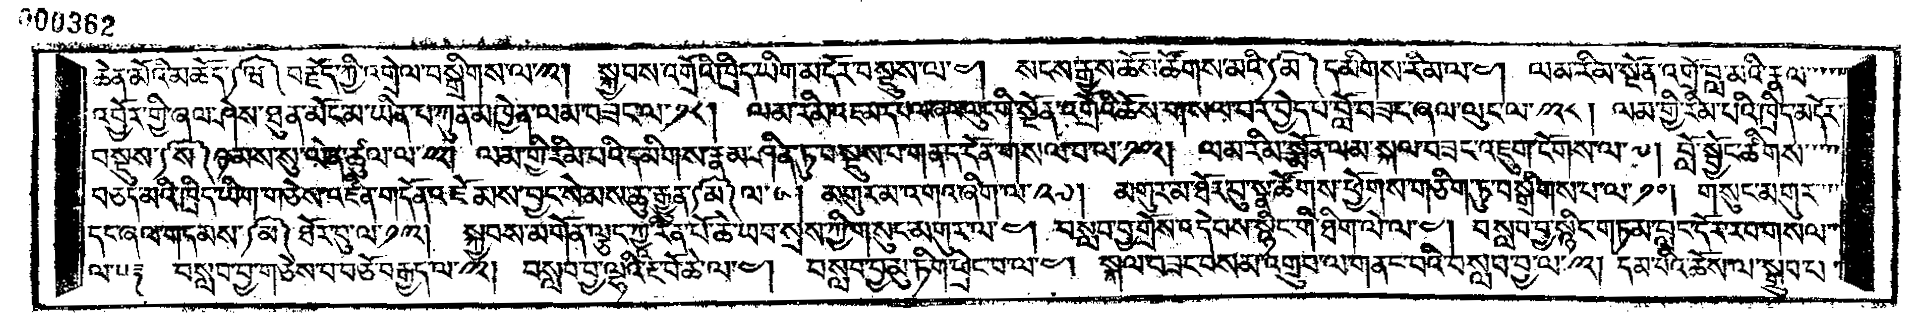ཆེན་མོའི་མཆོད ༼ཝ༽ བརྗོད་ཀྱི་འགྲེལ་བསྒྲིགས་ལ ༣། སྐྱབས་འགྲོའི་ཁྲིད་ཡིག་མདོར་བསྡུས་ལ ༤། སངས་རྒྱས་ཆོས་ཚོགས་མའི ༼མ༽ དམིགས་རིམ་ལ ༤། ལམ་རིམ་སྔོན་འགྲོ་བླ་མའི་རྣལ་
འབྱོར་གྱི་ཞལ་ཤེས་ཐུན་མོང་མ་ཡིན་པ་ཀུན་མཁྱེན་ལམ་བཟང་ལ ༡༨། ལམ་རིམ་འཇམ་དཔལ་ཞལ་ལུང་གི་སྔོན་འགྲོའི་ཆོས་གསལ་བར་བྱེད་པ་བློ་བཟང་ཞལ་ལུང་ལ ༣༨། ལམ་གྱི་རིམ་པའི་ཁྲིད་མདོར་
བསྡུས ༼ས༽ ཉམས་སུ་ལེན་ཚུལ་ལ ༣། ལམ་གྱི་རིམ་པའི་དམིགས་རྣམ་ཤིན་ཏུ་བསྡུས་པ་གནད་དོན་གསལ་བ་ལ ༡༣། ལམ་རིམ་སྨོན་ལམ་སྐལ་བཟང་འཇུག་ངོགས་ལ ༧། བློ་སྦྱོང་ཚིགས་
བཅད་མའི་ཁྲིད་ཡིག་གཅེས་འཛིན་གདོན་འཇོམས་བྱང་སེམས་ཆུ་རྒྱུན ༼མ༽ ལ ༦། མགུར་མ་འགའ་ཞིག་ལ ༢༧། མགུར་མ་ཐོར་བུ་སྣ་ཚོགས་ཕྱོགས་གཅིག་ཏུ་བསྒྲིགས་པ་ལ ༡༠། གསུང་མགུར་
དང་ཞལ་གདམས ༼མ༽ ཐོར་བུ་ལ ༡༣། སྐྱབས་མགོན་ལྕང་ཀྱཱ་རིན་པོ་ཆེ་ཡབ་སྲས་ཀྱི་གསུང་མགུར་ལ ༤། བསླབ་བྱ་གྲོས་འདེབས་སྙིང་གི་ཐིག་ལེ་ལ ༤། བསླབ་བྱ་སྙིང་གཏམ་བླང་དོར་རབ་གསལ་
ལ ༥༑ བསླབ་བྱ་གཅེས་པ་བཅོ་བརྒྱད་ལ ༣། བསླབ་བྱ་ལྷའི་རྔ་བོ་ཆེ་ལ ༤། བསླབ་བྱ་མུ་ཏིག་ཕྲེང་བ་ལ ༤། སྒལ་བཟང་བསམ་འགྲུབ་ལ་གནང་བའི་བསླབ་བྱ་ལ ༣། དམ་པའི་ཆོས་ལ་སྒྲུབ་པ་